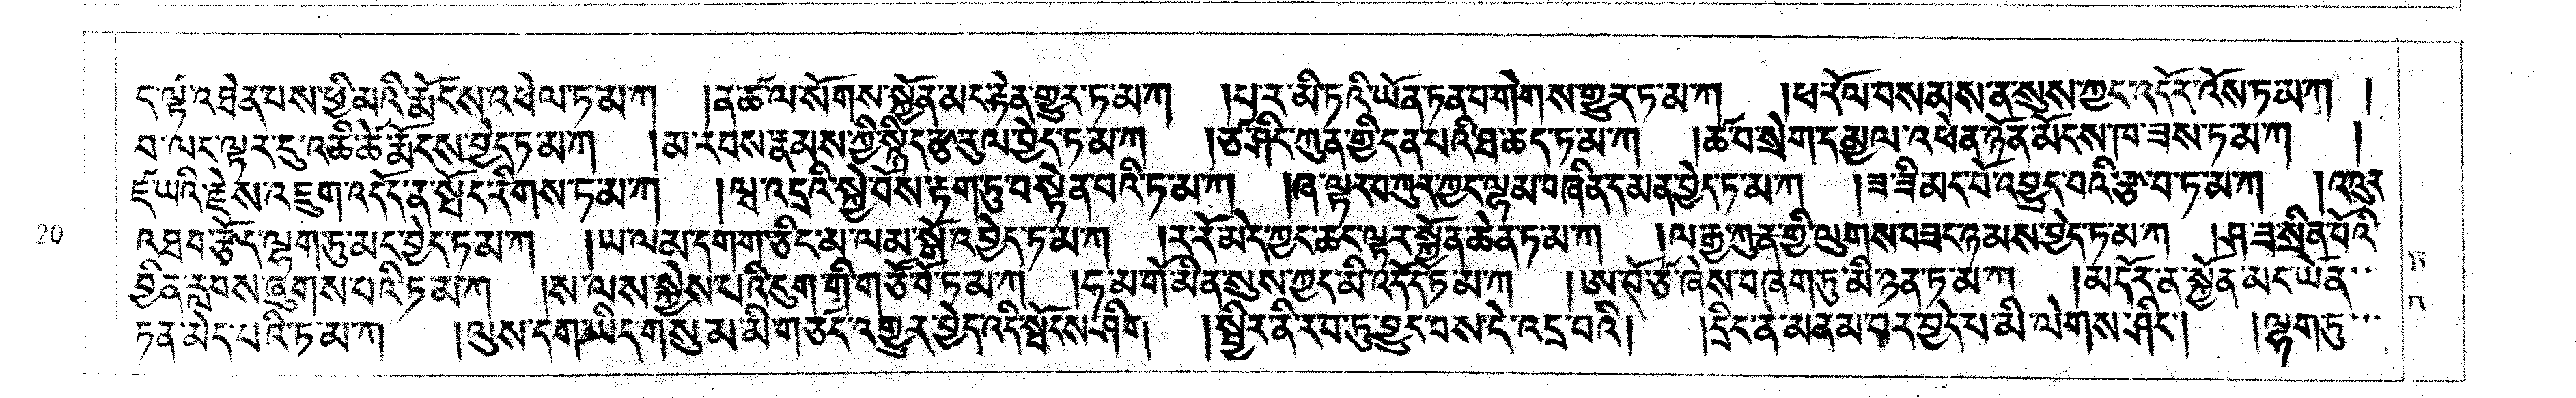ད་ལྟ་འཐེན་པས་ཕྱི་མའི་རྨོངས་འཕེལ་ཏ་མ་ཀ །ན་ཚ་ལ་སོགས་སྐྱོང་མང་རྟེན་གྱུར་ཏ་མ་ཀ །པ་ར་མི་ཏའི་ཡོན་ཏན་བགེགས་གྱུར་ཏ་མ་ཀ །ཕ་རོལ་བསམས་ན་སུས་ཀྱང་འདོར་འོས་ཏ་མ་ཀ།
བ་ལང་ལྟར་དུ་འཆི་ཚེ་རྨོངས་བྱེད་ཏ་མ་ཀ །མ་རབས་རྣམས་ཀྱི་སྙིང་རྩ་རུལ་བྱེད་ཏ་མ་ཀ །ཙ་ཤིང་ཀུན་གྱི་དན་པའི་ཐ་ཆད་ཏ་མ་ཀ །ཚ་བ་སྲེག་དམྱལ་འཕེན་ཉོན་མོངས་ཁ་ཟས་ཏ་མ་ཀ །
ཛ་ཡའི་རྗེས་འཇུག་འདོད་ན་སྤོང་རིགས་ཏ་མ་ཀ །ལྭ་འདྲའི་སྐྱེ་བོས་རྟག་ཏུ་བསྟེན་བའི་ཏ་མ་ཀ །ཞ་ལྟར་བ་གུར་ཀྱང་ལྷམ་བཞིན་དམན་བྱེད་ཏ་མ་ཀ །ཟ་ཟི་མང་པོ་འབྱུང་བའི་རྩ་བ་ཏ་མ་ཀ །འ་འུར་
འཐབ་རྩོད་ལྷག་ཏུ་མང་བྱེད་ཏ་མ་ཀ །ཡ་ལམ་དགག་ཅིང་མ་ལམ་སྒོ་འབྱེད་ཏ་མ་ཀ །ར་རོ་མེད་ཀྱང་ཆང་ལྟར་སྐྱོན་ཆེན་ཏ་མ་ཀ །ལ་རྒྱ་ཀུན་གྱི་ལུགས་བཟང་ཉམས་བྱེད་ཏ་མ་ཀ །ཤ་ཟ་སྲིན་པོའི་
བྱིན་རླབས་ཞུགས་པའི་ཏ་མ་ཀ །ས་ལས་སྐྱེས་པའི་དུག་གི་གཙོ་བོ་ཏ་མ་ཀ །ཏ་མ་གོ་མིན་སུས་ཀྱང་མི་འདོད་ཏ་མ་ཀ །ཨ་བོ་ཙ་ཞེས་བཞག་ཏུ་མི་ཉན་ཏ་མ་ཀ །མདོར་ན་སྐྱོན་མང་ཡོན་
ཏན་མེད་པའི་ཏ་མ་ཀ །ལུས་དག་ཡིད་གསུམ་མི་གཙང་འགྱུར་བྱེད་འདི་སྦོངས་ཤིག །སྦྱིར་ནི་རབ་ཏུ་བྱུང་བས་དེ་འདྲ་བའི། །དྲིང་ན་མནམ་བར་བྱེད་པ་མི་ལེགས་ཤིང་། །ལྷག་ཏུ་